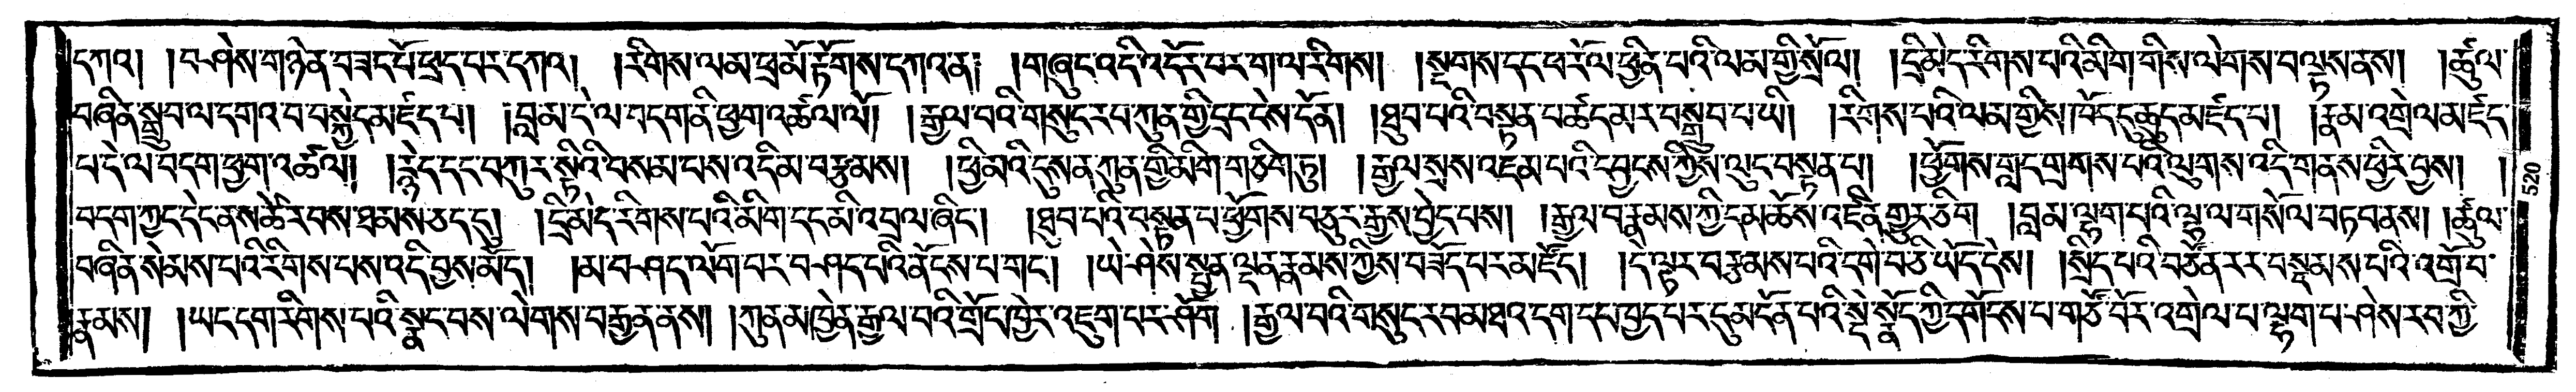དཀའ། །བཤེས་གཉེན་བཟང་པོ་ཕྲད་པར་དཀའ། །རིགས་ལམ་ཕྲ་མོ་རྟོགས་དཀའ་ན། །གཞུང་འདི་འདོར་བར་ག་ལ་རིགས། །སྔགས་དང་ཕ་རོལ་ཕྱིན་པའི་ལམ་གྱི་སྲོལ། །དྲི་མེད་རིགས་པའི་མིག་གིས་ལེགས་བལྟས་ནས། །ཚུལ་
བཞིན་སྒྲུ་བ་ལ་དགའ་བ་བསྐྱེད་མཛད་པ། །བླ་མ་དེ་ལ་བདག་ནི་ཕྱག་འཚལ་ལོ། །རྒྱལ་བའི་གསུང་རབ་ཀུན་གྱི་དྲང་ངེས་དོན། །ཐུབ་པའི་བསྟན་པ་ཚད་མར་བསྒྲུབ་པ་ཡི། །རིགས་པའི་ལམ་གྱིས་ཁོད་དུ་ཆུད་མཛད་པ། །རྣམ་འགྲེལ་མཛད་
པ་དེ་ལ་བདག་ཕྱག་འཚལ། །རྙེད་དང་བཀུར་སྟིའི་བསམ་པས་འདི་མ་བརྩམས། །ཕྱི་མའི་དུས་ན་ཀུན་གྱི་མིག་གཅིག་ཏུ། །རྒྱལ་སྲས་འཇམ་པའི་དབྱངས་ཀྱིས་ལུང་བསྟན་པ། །ཕྱོགས་གླང་གྲགས་པའི་ལུགས་འདི་གནས་ཕྱིར་བྱས།
བདག་ཀྱང་དེ་ནས་ཚེ་རབས་ཐམས་ཅད་དུ། །དྲི་མེད་རིགས་པའི་མིག་དང་མི་འབྲལ་ཞིང་། །ཐུབ་པའི་བསྟན་པ་ཕྱོགས་བཅུར་རྒྱས་བྱེད་པས། །རྒྱལ་བ་རྣམས་ཀྱི་དམ་ཆོས་འཛིན་གྱུར་ཅིག །བླ་མ་ལྷག་པའི་ལྷ་ལ་གསོལ་བཏབ་ནས། །ཚུལ་
བཞིན་སེམས་པའི་རིགས་པས་འདི་བྱས་མོད། །མ་བཤད་ལོག་པར་བཤད་པའི་ནོངས་པ་གང་། །ཡེ་ཤེས་སྤྱན་ལྡན་རྣམས་ཀྱིས་བཟོད་པར་རྨྫོད། །དེ་ལྟར་བརྩམས་པའི་དགེ་བ་ཅི་ཡོད་དེས། །སྲིད་པའི་བཙོན་རར་བསྡམས་པའི་འགྲོ་བ་
རྣམས། །ཡང་དག་རིགས་པའི་སྣང་བས་ལེགས་བརྒྱན་ནས། །ཀུན་མཁྱེན་རྒྱལ་བའི་གྲོང་ཁྱེར་འཇུག་པར་ཤོག །རྒྱལ་བའི་གསུང་རབ་མཐའ་དག་དང་ཁྱད་པར་དུ་མངོན་པའི་སྡེ་སྣོད་ཀྱི་དགོངས་པ་གཙོ་བོར་འགྲེལ་པ་ལྷག་པ་ཤེས་རབ་ཀྱི་